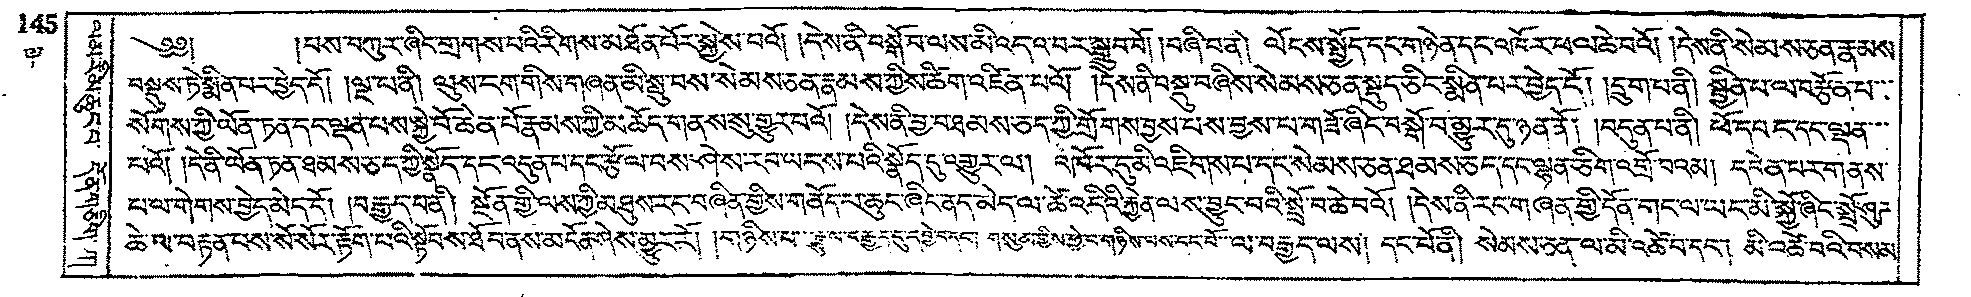༄༅། །པས་བཀུར་ཞིང་གྲགས་པའི་རིགས་མཐོན་པོར་སྐྱེས་པའོ། །དེས་ནི་བསྒོ་བ་ལས་མི་འདའ་བར་སྒྲུབ་བོ། །བཞི་པ་ནི། ལོངས་སྤྱོད་དང་གཉེན་དང་འཁོར་ཕལ་ཆེ་བའོ། །དེས་ནི་སེམས་ཅན་རྣམས་
བསྡུས་ཏེ་སྨིན་པར་བྱེད་དོ། །ལྔ་པ་ནི། ལུས་ངག་གིས་གཞན་མི་སླུ་བས་སེམས་ཅན་རྣམས་ཀྱིས་ཚིག་འཛིན་པའོ། །དེས་ནི་བསྡུ་བཞིས་སེམས་ཅན་སྡུད་ཅིང་སྨིན་པར་བྱེད་དོ། །དྲུག་པ་ནི། སྦྱིན་པ་ལ་བརྩོན་པ་
སོགས་ཀྱི་ཡོན་ཏན་དང་ལྡན་པས་སྐྱེ་བོ་ཆེན་པོ་རྣམས་ཀྱི་མཆོད་གནས་སུ་གྱུར་པའོ། །དེས་ནི་བྱ་བ་ཐམས་ཅད་ཀྱི་གྲོགས་བྱས་པས་བྱས་པ་གཟོ་ཞིང་བསྒོ་བ་མྱུར་དུ་ཉན་ནོ། །བདུན་པ་ནི། ཕོ་དབང་དང་ལྡན་
པའོ། །དེ་ནི་ཡོན་ཏན་ཐམས་ཅད་ཀྱི་སྣོད་དང་འདུན་པ་དང་རྩོལ་བས་ཤེས་རབ་ཡངས་པའི་སྣོད་དུ་འགྱུར་ལ། འཁོར་དུ་མི་འཇིགས་པ་དང་སེམས་ཅན་ཐམས་ཅད་དང་ལྷན་ཅིག་འགྲོ་བའམ། དབེན་པར་གནས་
པ་ལ་གེགས་བྱེད་མེད་དོ། །བརྒྱད་པ་ནི། སྔོན་གྱི་ལས་ཀྱི་མཐུས་རང་བཞིན་གྱིས་གནོད་པ་ཆུང་ཞིང་ནད་མེད་ལ་ཚེ་འདིའི་རྐྱེན་ལས་བྱུང་བའི་སྤྲོ་བ་ཆེ་བའོ། །དེས་ནི་རང་གཞན་གྱི་དོན་གང་ལ་ཡང་མི་སྐྱོ་ཞིང་སྤྲོ་ཤུཌ་
ཆེ་ལ་བརྟན་པས་སོ་སོར་རྟོག་པའི་སྟོབས་ཐོབ་ནས་མངོན་ཤེས་མྱུར་རོ། །གཉིས་པརྒྱུ་ལ་བརྒྱད་དུ་དབྱེ་བ་དང་། གསུམ་གྱིས་ཕྱེ་བ་གཉིས་ལས་དང་པོལ་བརྒྱད་ལས། དང་པོ་ནི། སེམས་ཅན་ལ་མི་འཚེ་བ་དང་། མི་འཚེ་བའི་བསམ་